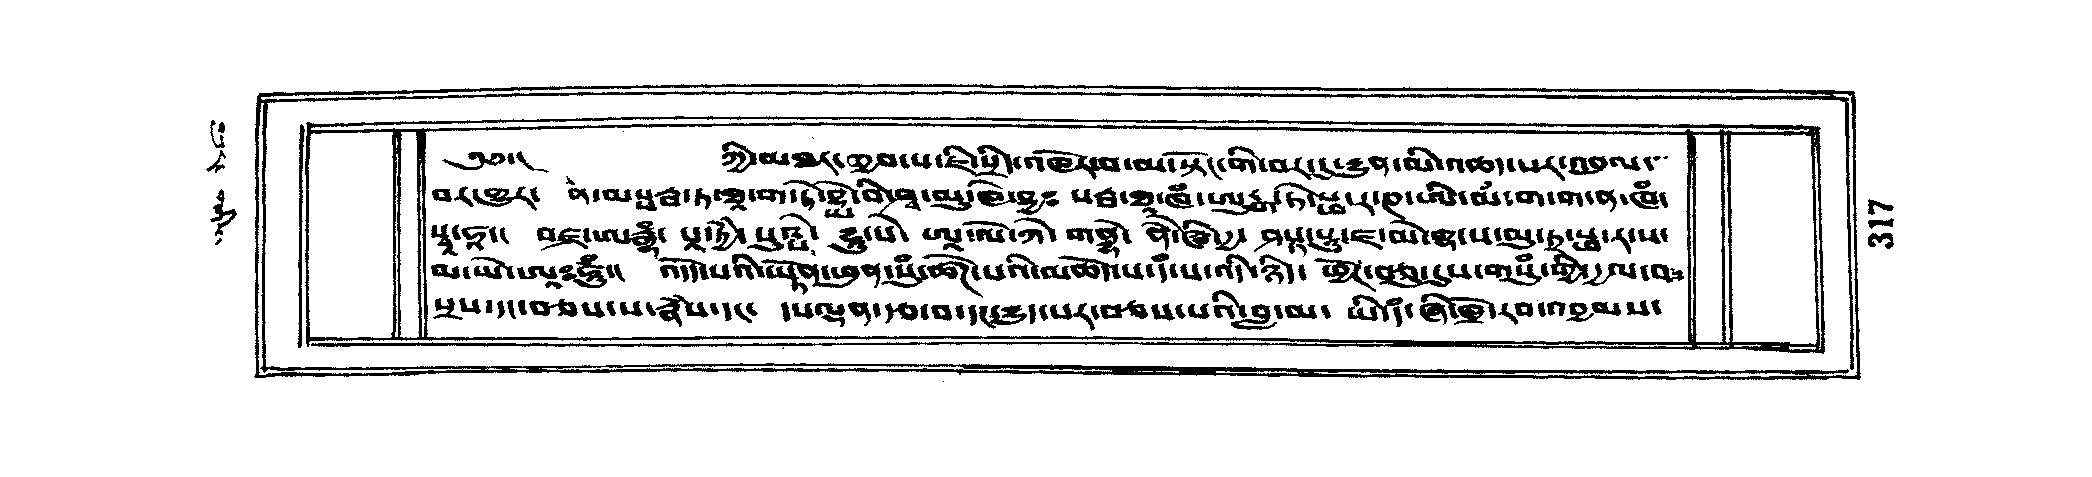ཀྱི་མཐར་ཁྱབ་པ་ཇི་སྲིད་འཁོར་བ་མ་སྟོང་གི་བར་དུ་རྒྱུན་མི་འཆད་པར་འབུལ་
བར་གྱུར། ན་མསྶརྦ་ཏ་ཐཱ་ག་ཏེ་བྷྱོ་བི་ཤྭ་མུ་ཁེ་བྷྱཿ སརྦ་ཐཱ་ཁཾ་ཨུདྒ་ཏེ་སྥ་ར་ཎ་ཨི་མཾ་ག་ག་ན་ཁཾ་
སྭཱ་ཧཱ། བཛྲ་ཨརྒྷཾ། པཱདྷྱཾ། པུཥྤེ། དྷུ་པེ། ཨཱ་ལོ་ཀེ། གནྡྷེ། ནཻ་ཝི་དྱ། ཤཔྟ་པཱུ་ཛ་མེ་གྷ་ས་མུ་ཏྲ་སྥ་ར་ས་
མ་ཡེ་ཨཱཿཧཱུྃ། འདོད་པའི་ཡོན་ཏན་ཕུན་སུམ་ཚོགས་པའི་མཆོད་པ་དམ་པ་འདི་ཉིད། ཕྱོགས་བཅུ་དུས་གསུམ་གྱི་རྒྱལ་བ་
སྲས་དང་བཅས་པ་རྣམས་དང་། དཔལ་ལྡན་རྩ་བ་དང་རྒྱུད་པར་བཅས་པའི་བླ་མ་ཡི་དམ་ཞི་ཁྲོ་རབ་འབྱམས་